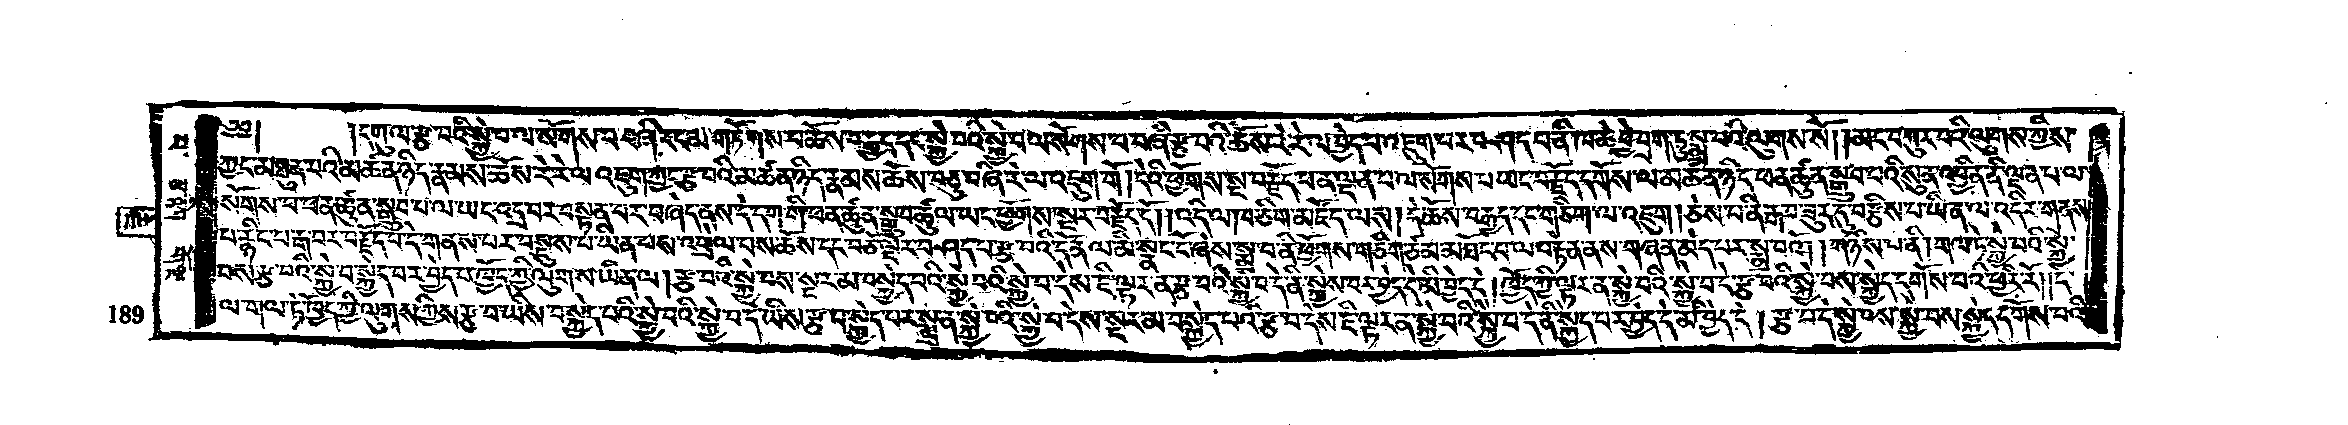༄༅། །དགུ་ལ་རྩ་པའི་སྐྱེ་བ་ལ་སོགས་པ་བཞི་རང་མ་གཏོགས་པ་ཆོས་བརྒྱད་དང་སྐྱེ་བའི་སྐྱེ་བ་ལ་སོགས་པ་བཞི་རྩ་བའི་ཆོས་རེ་རེ་ལ་བྱེད་པ་འཇུག་པར་བཤད་པ་ནི་ཁ་ཆེ་བྱེ་བྲག་ཏུ་སྨྲ་བའི་ལུགས་སོ། །མང་བཀུར་བའི་ལུགས་ཀྱིས་
ཀྱང་མཐུན་པའི་མཚན་ཉིད་རྣམས་ཆོས་རེ་རེ་ལ་འཇུག་ཀྱང་རྩ་བའི་མཚན་ཉིད་རྣམས་ཆོས་བཅུ་བཞི་རེ་ལ་འཇུག་གོ། དེའི་ཕྱོགས་སྔ་བརྗོད་པ་ན་ལྡན་པ་ལ་སོགས་པ་ཡང་བརྗོད་དགོས་ལ་མཚན་ཉིད་ཕན་ཚུན་སྒྲུབ་པའི་སུན་འབྱིན་ནི་ལྡན་པ་ལ་
སོགས་པ་ཕན་ཚུན་སྒྲུབ་པ་ལ་ཡང་འདྲ་བར་བསྟན་པར་བཞེད་ནས་དེ་དག་གི་ཕན་ཚུན་སྒྲུབ་ཚུལ་ཡང་ཕྱོགས་སྔར་བརྗོད་དོ། །འདི་ལ་ཁ་ཅིག་མཛོད་ལས། དེ་ཆོས་བརྒྱད་དང་གཅིག་ལ་འཇུག། ཅེས་པ་ནི་རྒ་བ་ཟུར་དུ་བརྩིས་པ་ཡིན་ལ་འདིར་གནས་
པ་རྙིང་པ་རྒ་བར་བརྗོད་པ་དེ་གནས་པར་བསྡུས་པ་ཡིན་པས་འགྲེལ་བས་ཆོས་དང་བཅོ་ལྔར་བཤད་པ་རྩ་བའི་དོན་ལ་མི་སྣང་ངོ་ཞེས་སྨྲ་བ་ནི་ཕྱོགས་གཅིག་ཙམ་མཐོང་བ་ལ་བརྟེན་ནས་གཞན་མེད་པར་སྨྲ་པའོ། །གཉིས་པ་ནི། གལ་ཏེ་སྐྱེ་བའི་སྐྱེ་
བས་རྩ་བའི་སྐྱེ་བ་སྐྱེད་པར་བྱེད་པ་ཁྱོད་ཀྱི་ལུགས་ཡིན་ལ། རྩ་བའི་སྐྱེ་བས་སྔར་མ་བསྐྱེད་པའི་སྐྱེ་བའི་སྐྱེ་བ་དེས་ཇི་ལྟར་ན་རྩ་བའི་སྐྱེ་བ་དེ་ནི་སྐྱེས་བར་བྱེད་དེ་མི་བྱེད་དེ། ཁྱོད་ཀྱི་ལྟར་ན་སྐྱེ་བའི་སྐྱེ་བ་དེ་རྩ་བའི་སྐྱེ་བས་སྐྱེད་དགོས་པའི་ཕྱིར་རོ། །དེ་
ལ་གལ་ཏེ་ཁྱོད་ཀྱི་ལུགས་ཀྱིས་རྩ་བ་ཡིས་བསྐྱེད་པའི་སྐྱེ་བའི་སྐྱེད་པ་དེ་ཡིས་རྩ་བ་སྐྱེད་པར་སྨྲ་ན་སྐྱེ་བའི་སྐྱེ་བ་དེས་སྔར་མ་བསྐྱེད་པའི་རྩ་བ་དེས་ཇི་ལྟར་ན་སྐྱེ་བའི་སྐྱེ་བ་དེ་ནི་སྐྱེད་པར་བྱེད་དེ་མ་བྱེད་དེ། རྩ་བ་དེ་སྐྱེ་བས་སྐྱེ་བས་སྐྱེད་དགོས་པའི་